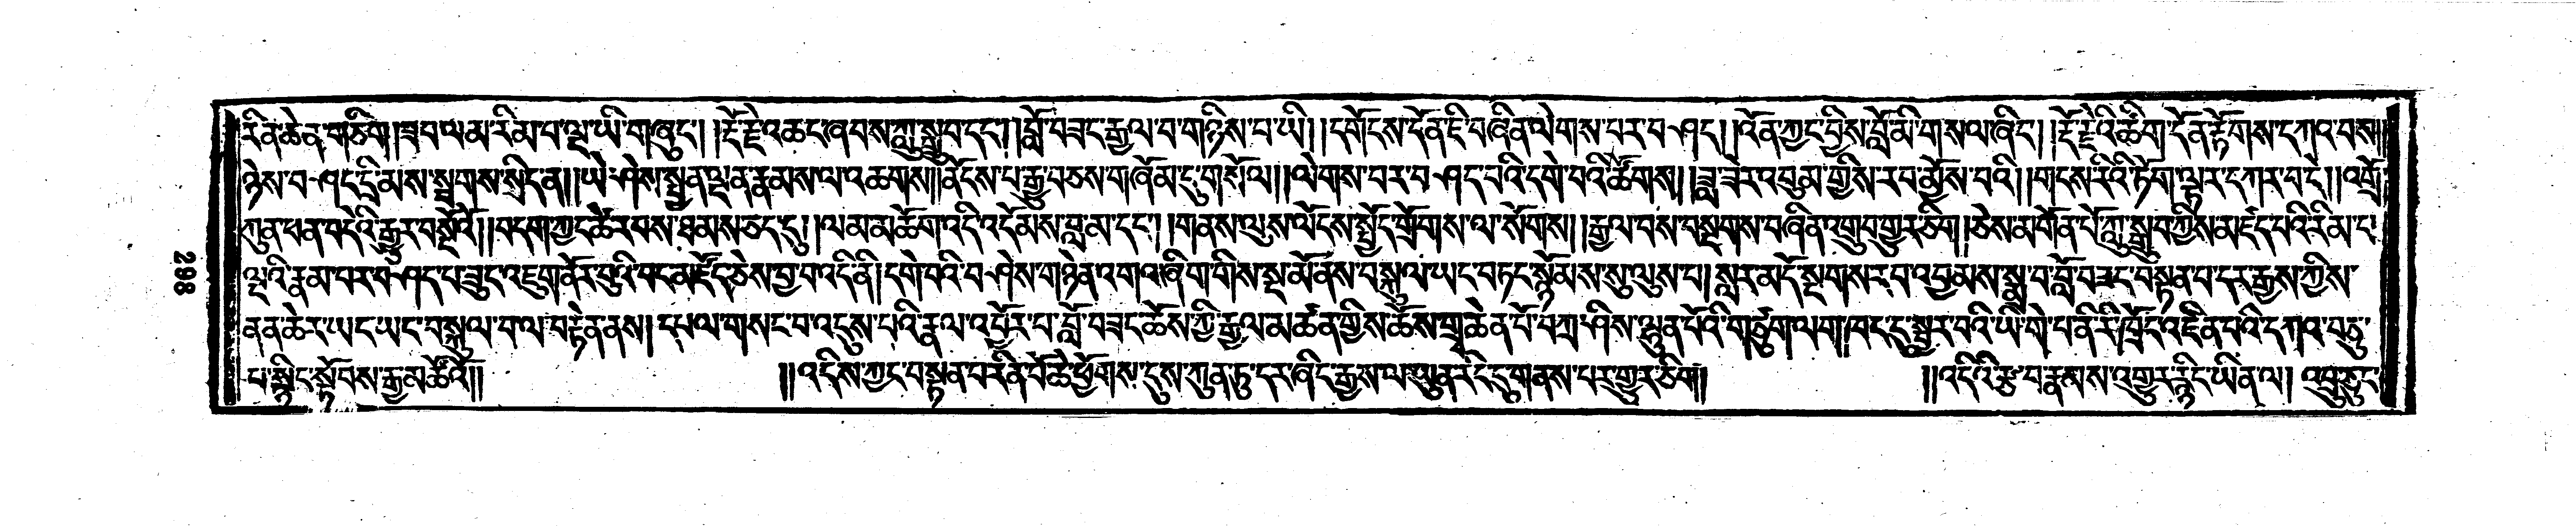རིན་ཆེན་གཅིག །ཟབ་ལམ་རིམ་པ་ལྔ་ཡི་གཞུང་། །རྡོ་རྗེ་འཆང་ཞབས་ཀླུ་སྒྲུབ་དང་། །བློ་བཟང་རྒྱལ་བ་གཉིས་པ་ཡི། །དགོངས་དོན་ཇི་བཞིན་ལེགས་པར་བཤད། །འོན་ཀྱང་བྱིས་བློ་མི་གསལ་ཞིང་། །རྡོ་རྗེའི་ཚིག་དོན་རྟོགས་དཀའ་བས་
ཉེས་བཤད་དྲི་མས་སྦགས་སྲིད་ན། །ཡེ་ཤེས་སྤྱན་ལྡན་རྣམས་ལ་འཆགས། །ནོངས་པ་རྒྱུ་བཅས་གཞོམ་དུ་གསོལ། །ལེགས་པར་བཤད་པའི་དགེ་པའི་ཚོགས། །ཟླ་ཟེར་འབུམ་གྱིས་རབ་མྱོས་པའི། །གངས་རིའི་ཏོག་ལྟར་དཀར་བ་དེ། །འགྲོ་
ཀུན་ཕན་བདེའི་རྒྱུར་བསྔོའོ། །བདག་ཀྱང་ཚེ་རབས་ཐམས་ཅད་དུ། །ལམ་མཆོག་འདི་འདོམས་བླ་མ་དང་། །གནས་ལུས་ལོངས་སྤྱོད་གྲོགས་ལ་སོགས། །རྒྱལ་བས་བསྔགས་བཞིན་འགྲུབ་གྱུར་ཅིག །ཅེས་མགོན་པོ་ཀླུ་སྒྲུབ་ཀྱིས་མཛད་པའི་རིམ་པ་
ལྔའི་རྣམ་པར་བཤད་པ་ཟུང་འཇུག་ནོར་བུའི་བང་མཛོད་ཅེས་བྱ་བ་འདི་ནི། དགེ་བའི་བཤེས་གཉེན་འགའ་ཞིག་གིས་སྔ་མོ་ནས་བསྐུལ་ཡང་བཏང་སྙོམས་སུ་ལུས་པ། སླར་མདོ་སྔགས་རབ་འབྱམས་སྨྲ་བ་བློ་བཟང་བསྟན་པ་དར་རྒྱས་ཀྱིས་
ནན་ཆེར་ཡང་ཡང་བསྐུལ་བ་ལ་བརྟེན་ནས། དཔལ་གསང་བ་འདུས་པའི་རྣལ་འབྱོར་པ་བློ་བཟང་ཆོས་ཀྱི་རྒྱལ་མཚན་གྱིས་ཆོས་གྲྭ་ཆེན་པོ་བཀྲ་ཤིས་ལྷུན་པོ་གཙུག་ལག་ཁང་དུ་སྦྱར་བའི་ཡི་གེ་པ་ནི་རི་ཁྲོད་འཛིན་པའི་དཀའ་བཅུ་
པ་སྙིང་སྟོབས་རྒྱ་མཚོའོ།། །།འདིས་ཀྱང་བསྟན་པ་རིན་པོ་ཆེ་ཕྱོགས་དུས་ཀུན་དུ་དར་ཞིང་རྒྱས་ལ་ཡུན་རིང་དུ་གནས་པར་གྱུར་ཅིག། །།འདིའི་རྩ་བ་རྣམས་འགྱུར་རྙིང་ཡིན་ལ། འབྲུ་ཅུང་